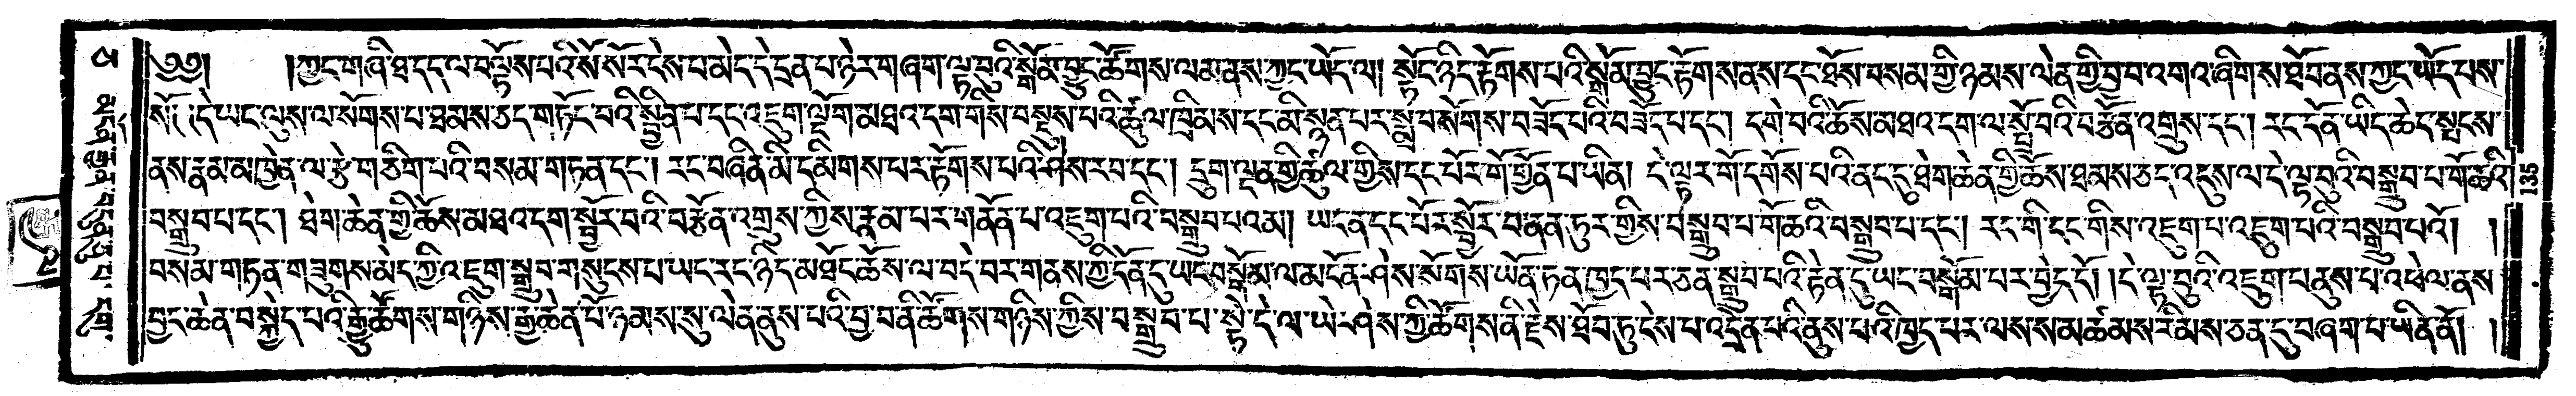༄༅། །ཀྱང་གཞི་ཐ་དད་ལ་བལྟོས་པའི་སོ་སོར་ངེས་པ་མེད་དེ་དྲན་པ་ཉེར་གཞག་ལྟ་བུའི་སྒོམ་བྱུང་ཚོགས་ལམ་ནས་ཀྱང་ཡོད་ལ། སྟོང་ཉིད་རྟོགས་པའི་སྒོམ་བྱུང་རྟོགས་ནས་དང་ཐོས་བསམ་གྱི་ཉམས་ལེན་གྱི་བྱ་བ་འགའ་ཞིག་ས་ཐོབ་ནས་ཀྱང་ཡོད་པས་
སོ། །དེ་ཡང་ལུས་ལ་སོགས་པ་ཐམས་ཅད་གཏོང་བའི་སྦྱིན་པ་དང་འཇུག་ལྡོག་མཐའ་དག་གིས་བསྡུས་པའི་ཚུལ་ཁྲིམས་དང་མི་སྙན་པར་སྨྲ་བ་སོགས་བཟོད་བའི་བཟོད་པ་དང་། དགེ་བའི་ཆོས་མཐའ་དག་ལ་སྤྲོ་བའི་བརྩོན་འགྲུས་དང་། རང་དོན་ཡིད་ཆེད་སྤངས་
ནས་རྣམ་མཁྱེན་ལ་རྩེ་གཅིག་པའི་བསམ་གཏན་དང་། རང་བཞིན་མི་དམིགས་པར་རྟོགས་པའི་ཤེས་རབ་དང་། དྲུག་ལྡན་གྱི་ཚུལ་གྱིས་དང་པོར་གོ་གྱོན་པ་ཡིན། དེ་ལྟར་གོ་དགོས་པའི་ནང་དུ་ཐེག་ཆེན་གྱི་ཆོས་ཐམས་ཅད་འདུས་ལ་དེ་ལྟ་བུའི་བསྒྲུབ་པ་གོ་ཆའི་
བསྒྲུབ་པ་དང་། ཐེག་ཆེན་གྱི་ཆོས་མཐའ་དག་སྦྱོར་བའི་བརྩོན་འགྲུས་ཀྱིས་རྣམ་པར་གནོན་པ་འཇུག་པའི་བསྒྲུབ་པའམ། ཡང་ན་དང་པོར་སྦྱོར་བ་ནན་ཏུར་གྱིས་བསྒྲུབ་པ་གོ་ཆའི་བསྒྲུབ་པ་དང་། རང་གི་དང་གིས་འཇུག་པ་འཇུག་པའི་བསྒྲུབ་པའོ། །
བསམ་གཏན་གཟུགས་མེད་ཀྱི་འཇུག་སྒྲུབ་གསུངས་པ་ཡང་རང་ཉིད་མཐོང་ཆོས་ལ་བདེ་བར་གནས་ཀྱི་དོན་དུ་ཡང་བསྒོམ་ལ་མངོན་ཤེས་སོགས་ཡོན་ཏན་ཁྱད་པར་ཅན་སྒྲུབ་པའི་རྟེན་དུ་ཡང་བསྒོམ་པར་བྱེད་དོ། །དེ་ལྟ་བུའི་འཇུག་པ་ནུས་པ་འཕེལ་ནས་
བྱང་ཆེན་བསྐྱེད་པའི་རྒྱུ་ཚོགས་གཉིས་རྒྱ་ཆེན་པོ་ཉམས་སུ་ལེན་ནུས་པའི་བྱ་བ་ནི་ཚོགས་གཉིས་ཀྱིས་བསྒྲུབ་པ་སྟེ་དེ་ལ་ཡེ་ཤེས་ཀྱི་ཚོགས་ནི་རྗེས་ཐོབ་ཏུ་ངེས་པ་འདྲེན་པའི་ནུས་པའི་ཁྱད་པར་ལས་ས་མཚམས་རིམས་ཅན་དུ་བཞག་པ་ཡིན་ནོ། །